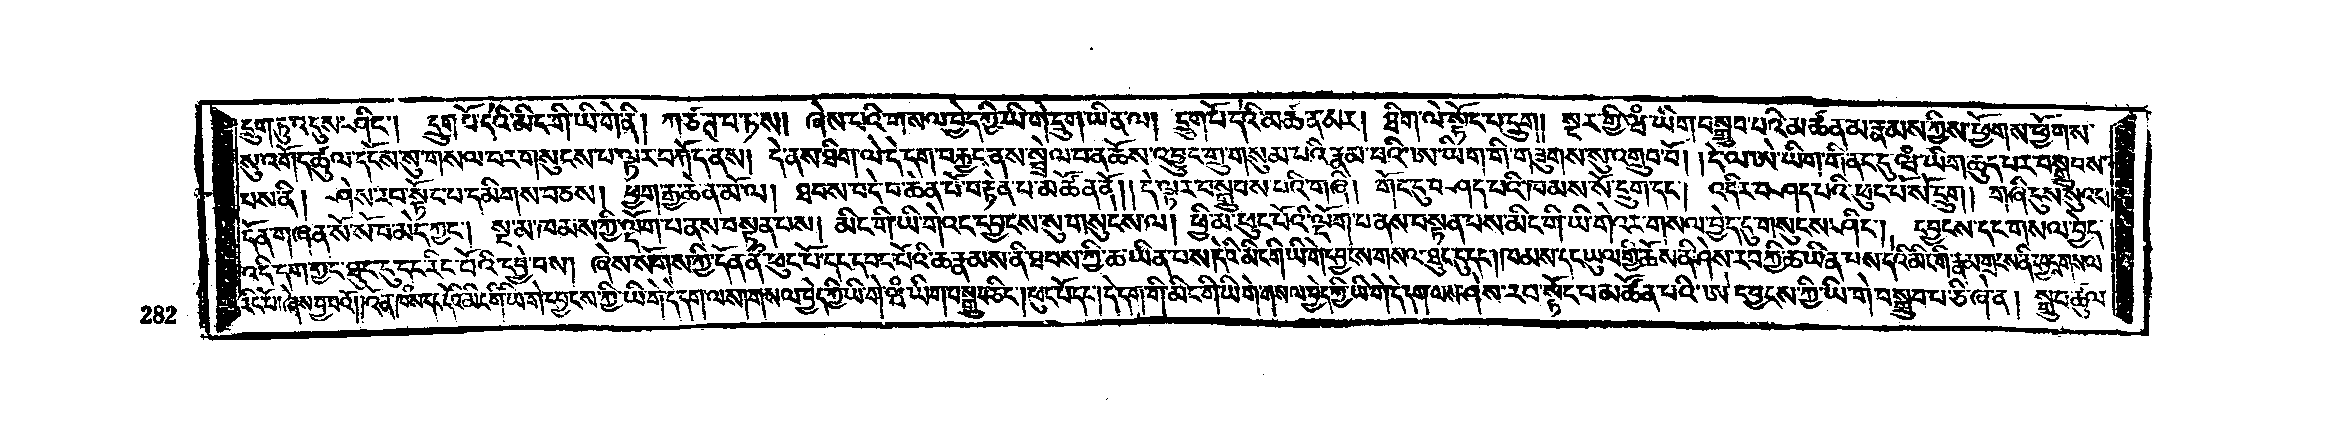དྲུག་ཏུ་འདུས་ཤིང་། དྲུག་པོ་དེའི་མིང་གི་ཡི་གེ་ནི། ཀ་ཙ་ཊ་པ་ཏ་ས། ཞེས་པའི་གསལ་བྱེད་ཀྱི་ཡི་གེ་དྲུག་ཡིན་ལ། དྲུག་པོ་དེའི་མཚན་མར། ཐིག་ལེ་སྟོང་པ་དྲུག །སྔར་གྱི་ཝཾ་ཡིག་བསྒྲུབ་པའི་མཚན་མ་རྣམས་ཀྱིས་ཕྱོགས་ཕྱོགས་
སུ་འགོད་ཚུལ་དངོས་སུ་གསལ་བར་གསུངས་པ་ལྟར་བཀོད་ནས། དེ་ནས་ཐིག་ལེ་དེ་དག་བརྐྱང་ནས་སྦྲེལ་བ་ན་ཆོས་འབྱུང་གྲུ་གསུམ་པའི་རྣམ་པའི་ཨ་ཡིག་གི་གཟུགས་སུ་འགྲུབ་བོ། །དེ་ལ་ཨེ་ཡིག་གི་ནང་དུ་ཝཾ་ཡིག་ཆུད་པར་བསྒྲུབས་
པས་ནི། ཤེས་རབ་སྟོང་པ་དམིགས་བཅས། ཕྱག་རྒྱ་ཆེན་མོ་ལ། ཐབས་བདེ་བ་ཆེན་པོ་བརྟེན་པ་མཚོན་ནོ། །དེ་ལྟར་བསྒྲུབས་པའི་གཞི། གོང་དུ་བཤད་པའི་ཁམས་སོ་དྲུག་དང་། འདིར་བཤད་པའི་ཕུང་པོ་སོ་དྲུག །གཞི་དུས་སུའང་།
དོན་གཞན་སོ་སོ་བ་མེད་ཀྱང་། སྔ་མ་ཁམས་ཀྱི་ལྡོག་པ་ནས་བསྟན་པས། མིང་གི་ཡི་གེའང་དབྱངས་སུ་གསུངས་ལ། ཕྱི་མ་ཕུང་པོའི་ལྡོག་པ་ནས་བསྟན་པས་མིང་གི་ཡི་གེའང་གསལ་བྱེད་དུ་གསུངས་ཤིང་། དབྱངས་དང་གསལ་བྱེད་
འདི་དག་ཀྱང་ཐུང་དུ་དང་རིང་པོའི་དབྱེ་བས། ཞེས་སོགས་ཀྱི་དོན་ནྀ་ཕུང་པོ་དང་དབང་པོའི་ཆ་རྣམས་ནི་ཐབས་ཀྱི་ཆ་ཡིན་པས། དེའི་མིང་གི་ཡི་གེ་དབྱངས་གསལ་ཐུང་དུ་དང་། ཁམས་དང་ཡུལ་གྱི་ཆོས་ནི་ཤེས་རབ་ཀྱི་ཆ་ཡིན་པས་དེའི་མིང་གི་རྣམ་གྲངས་ནི་དབྱངས་གསལ་
རིང་པོ། ཞེས་བྱ་བའོ། །འོ་ན་ཁམས་དང་དེའི་མིང་གི་ཡི་གེ་དབྱངས་ཀྱི་ཡི་གེ་དེ་དག་ལས། གསལ་བྱེད་ཀྱི་ཡི་གེ་ཝཾ་ཡིག་བསྒྲུབ་ཅིང་། ཕུང་པོ་དང་། དེ་དག་གི་མིང་གི་ཡི་གེ་གསལ་བྱེད་ཀྱི་ཡི་གེ་དེ་དག་ལས་ཤེས་རབ་སྟོང་པ་མཚོན་པའི་ཨེ་དབྱངས་ཀྱི་ཡི་གེ་བསྒྲུབ་པ་ཅི་ཞེ་ན། སྒྲུབ་ཚུལ་